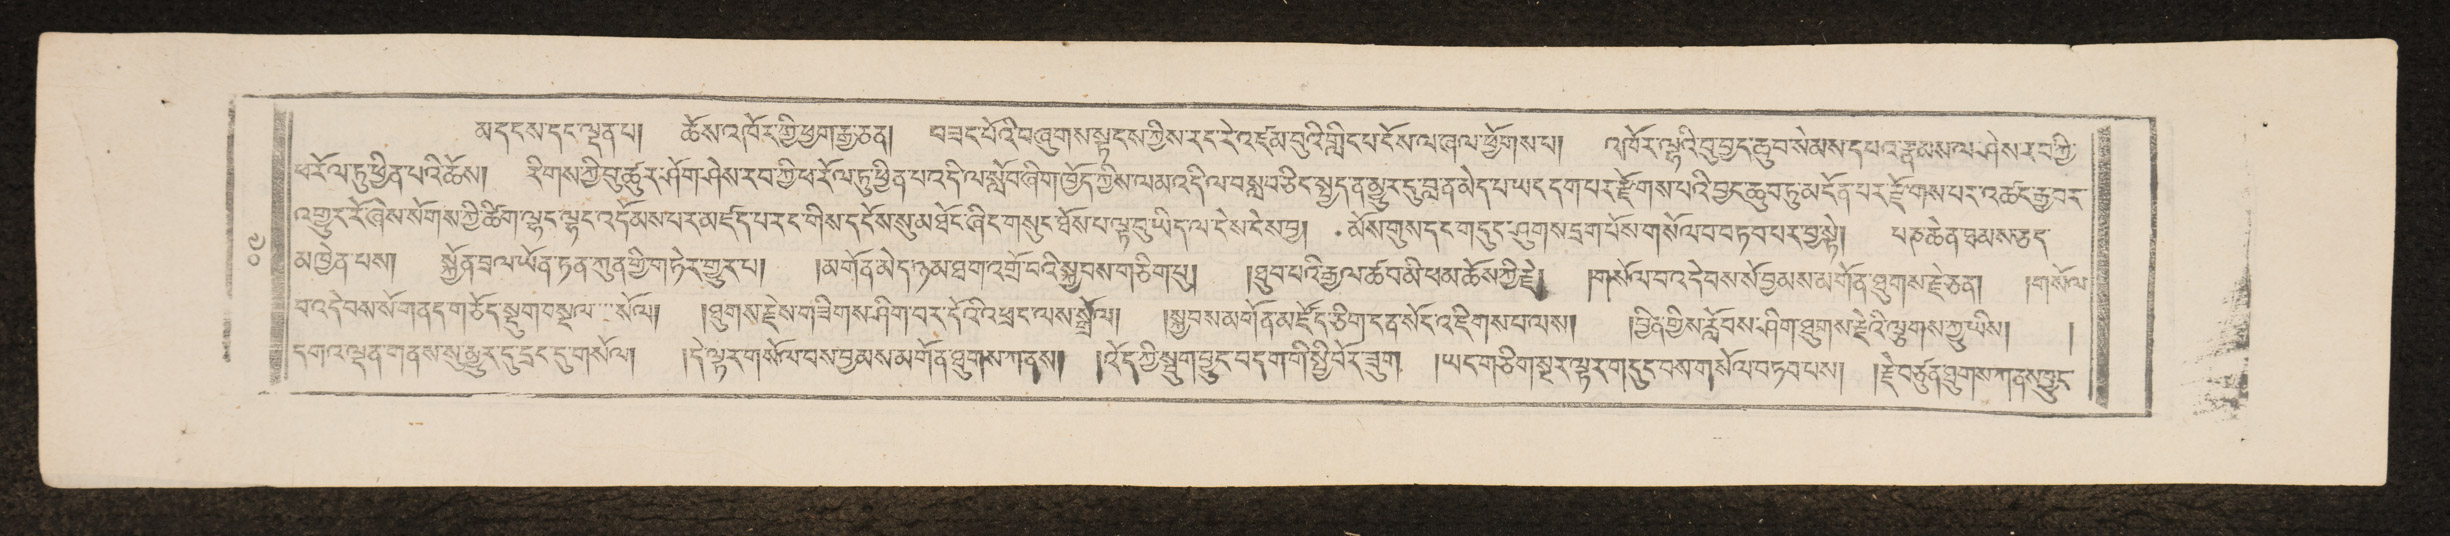མདངས་དང་ལྡན་པ། ཆོས་འཁོར་གྱི་ཕྱག་རྒྱ་ཅན། བཟང་པོའི་བཞུགས་སྟངས་ཀྱིས་རང་རེ་འཛམ་བུའི་གླིང་པ་ངོས་ལ་ཞལ་ཕྱོགས་པ། འཁོར་ལྷའི་བུ་བྱང་ཆུབ་སེམས་དཔའ་རྣམས་ལ་ཤེས་རབ་ཀྱི་
ཕ་རོལ་ཏུ་ཕྱིན་པའི་ཆོས། རིགས་ཀྱི་བུ་ཚུར་ཤོག་ཤེས་རབ་ཀྱི་ཕ་རོལ་ཏུ་ཕྱིན་པ་འདི་ལ་སློབ་ཞིག་ཁྱོད་ཀྱིས་ལམ་འདི་ལ་བསླབ་ཅིང་སྤྱད་ན་མྱུར་དུ་བླ་ན་མེད་པ་ཡང་དག་པར་རྫོགས་པའི་བྱང་ཆུབ་ཏུ་མངོན་པར་རྫོགས་པར་འཚང་རྒྱ་བར་
འགྱུར་རོ་ཞེས་སོགས་ཀྱི་ཚིག་ལྷང་ལྷང་འདོམས་པར་མཛད་པ་རང་གིས་དངོས་སུ་མཐོང་ཞིང་གསུང་ཐོས་པ་ལྟ་བུ་ཡིད་ལ་ངེས་ངེས་བྱ། མོས་གུས་དང་གདུང་ཤུགས་དྲག་པོས་གསོལ་བ་བཏབ་པར་བྱ་སྟེ། པཎ་ཆེན་ཐམས་ཅད་
མཁྱེན་པས། སྐྱོན་བྲལ་ཡོན་ཏན་ཀུན་གྱི་གཏེར་གྱུར་པ། །མགོན་མེད་ཉམ་ཐག་འགྲོ་བའི་སྐྱབས་གཅིག་པུ། །ཐུབ་པའི་རྒྱལ་ཚབ་མི་ཕམ་ཆོས་ཀྱི་རྗེ། །གསོལ་བ་འདེབས་སོ་བྱམས་མགོན་ཐུགས་རྗེ་ཅན། །གསོལ་
བ་འདེབས་སོ་གནད་གཅོད་སྡུག་བསྔལ་སོལ། །ཐུགས་རྗེས་གཟིགས་ཤིག་པར་དོའི་འགྲང?་ལས་སྒྲོལ། །སྐྱབས་མགོན་མཛོད་ཅིག་ངན་སོང་འཇིགས་པ་ལས། །བྱིན་གྱིས་རློབས་ཤིག་ཐུགས་རྗེའི་ལྕགས་ཀྱུ་ཡིས། །
དགའ་ལྡན་གནས་སུ་མྱུར་དུ་དྲང་དུ་གསོལ། །དེ་ལྟར་གསོལ་བས་བྱམས་མགོན་ཐུགས་ཀ་ནས། །འོད་ཀྱི་སྦུག་བྱུང་བདག་གི་སྤྱི་བོར་ཟུག །ཡང་གཅིག་སྔར་ལྟར་གདུང་བས་གསོལ་བཏབ་པས། །རྗེ་བཙུན་ཐུགས་ཀ་ནས་བྱུང་